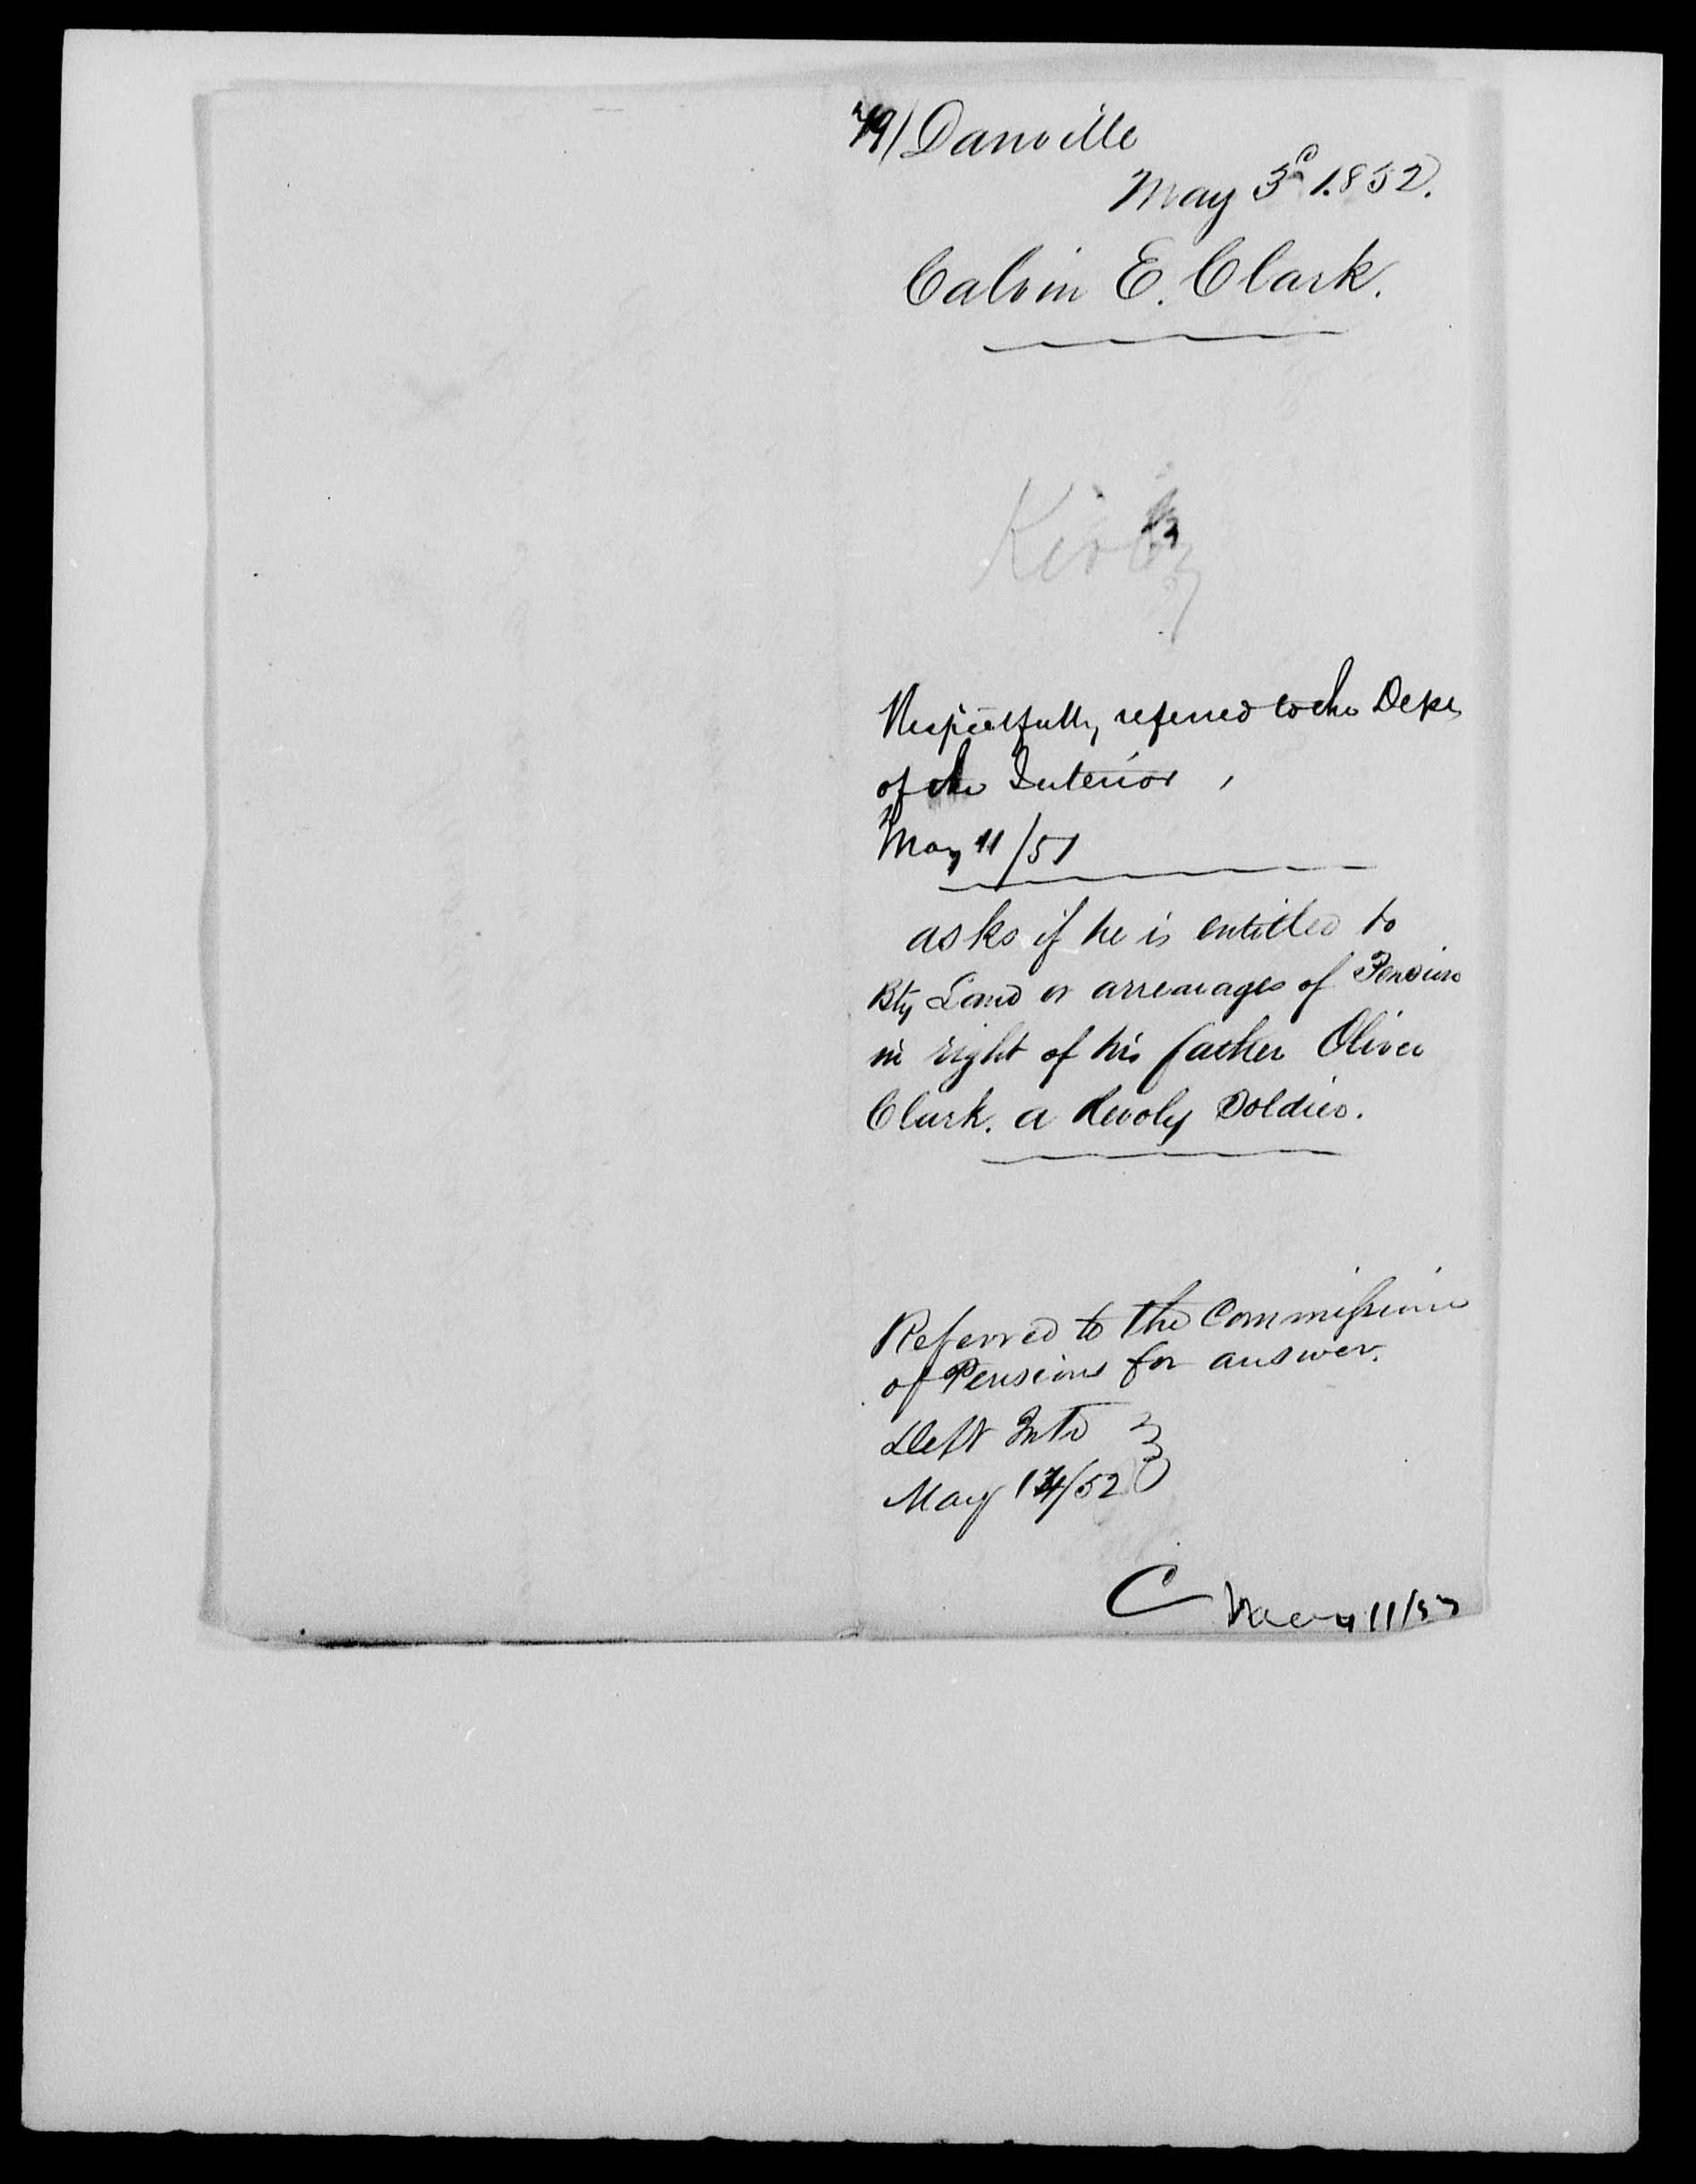[handwritten]
49/Danville
May 3d 1852.
Calvin E. Clark

Kirby

Respectfully referred to the Dept of the Interior,
May 11/51

asks if he is entitled to Bty Land or arrearages of Pensions in right of his father Oliver Clark, a Revoly Soldier

Referred to the Commissioner of Pensions for answer
Dept Intr
May 14/52

C [illegible] 11/52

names: Calvin E Clark, Oliver Clark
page: 35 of 51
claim: widow's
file: W. 23816, Oliver Clark, Conn.